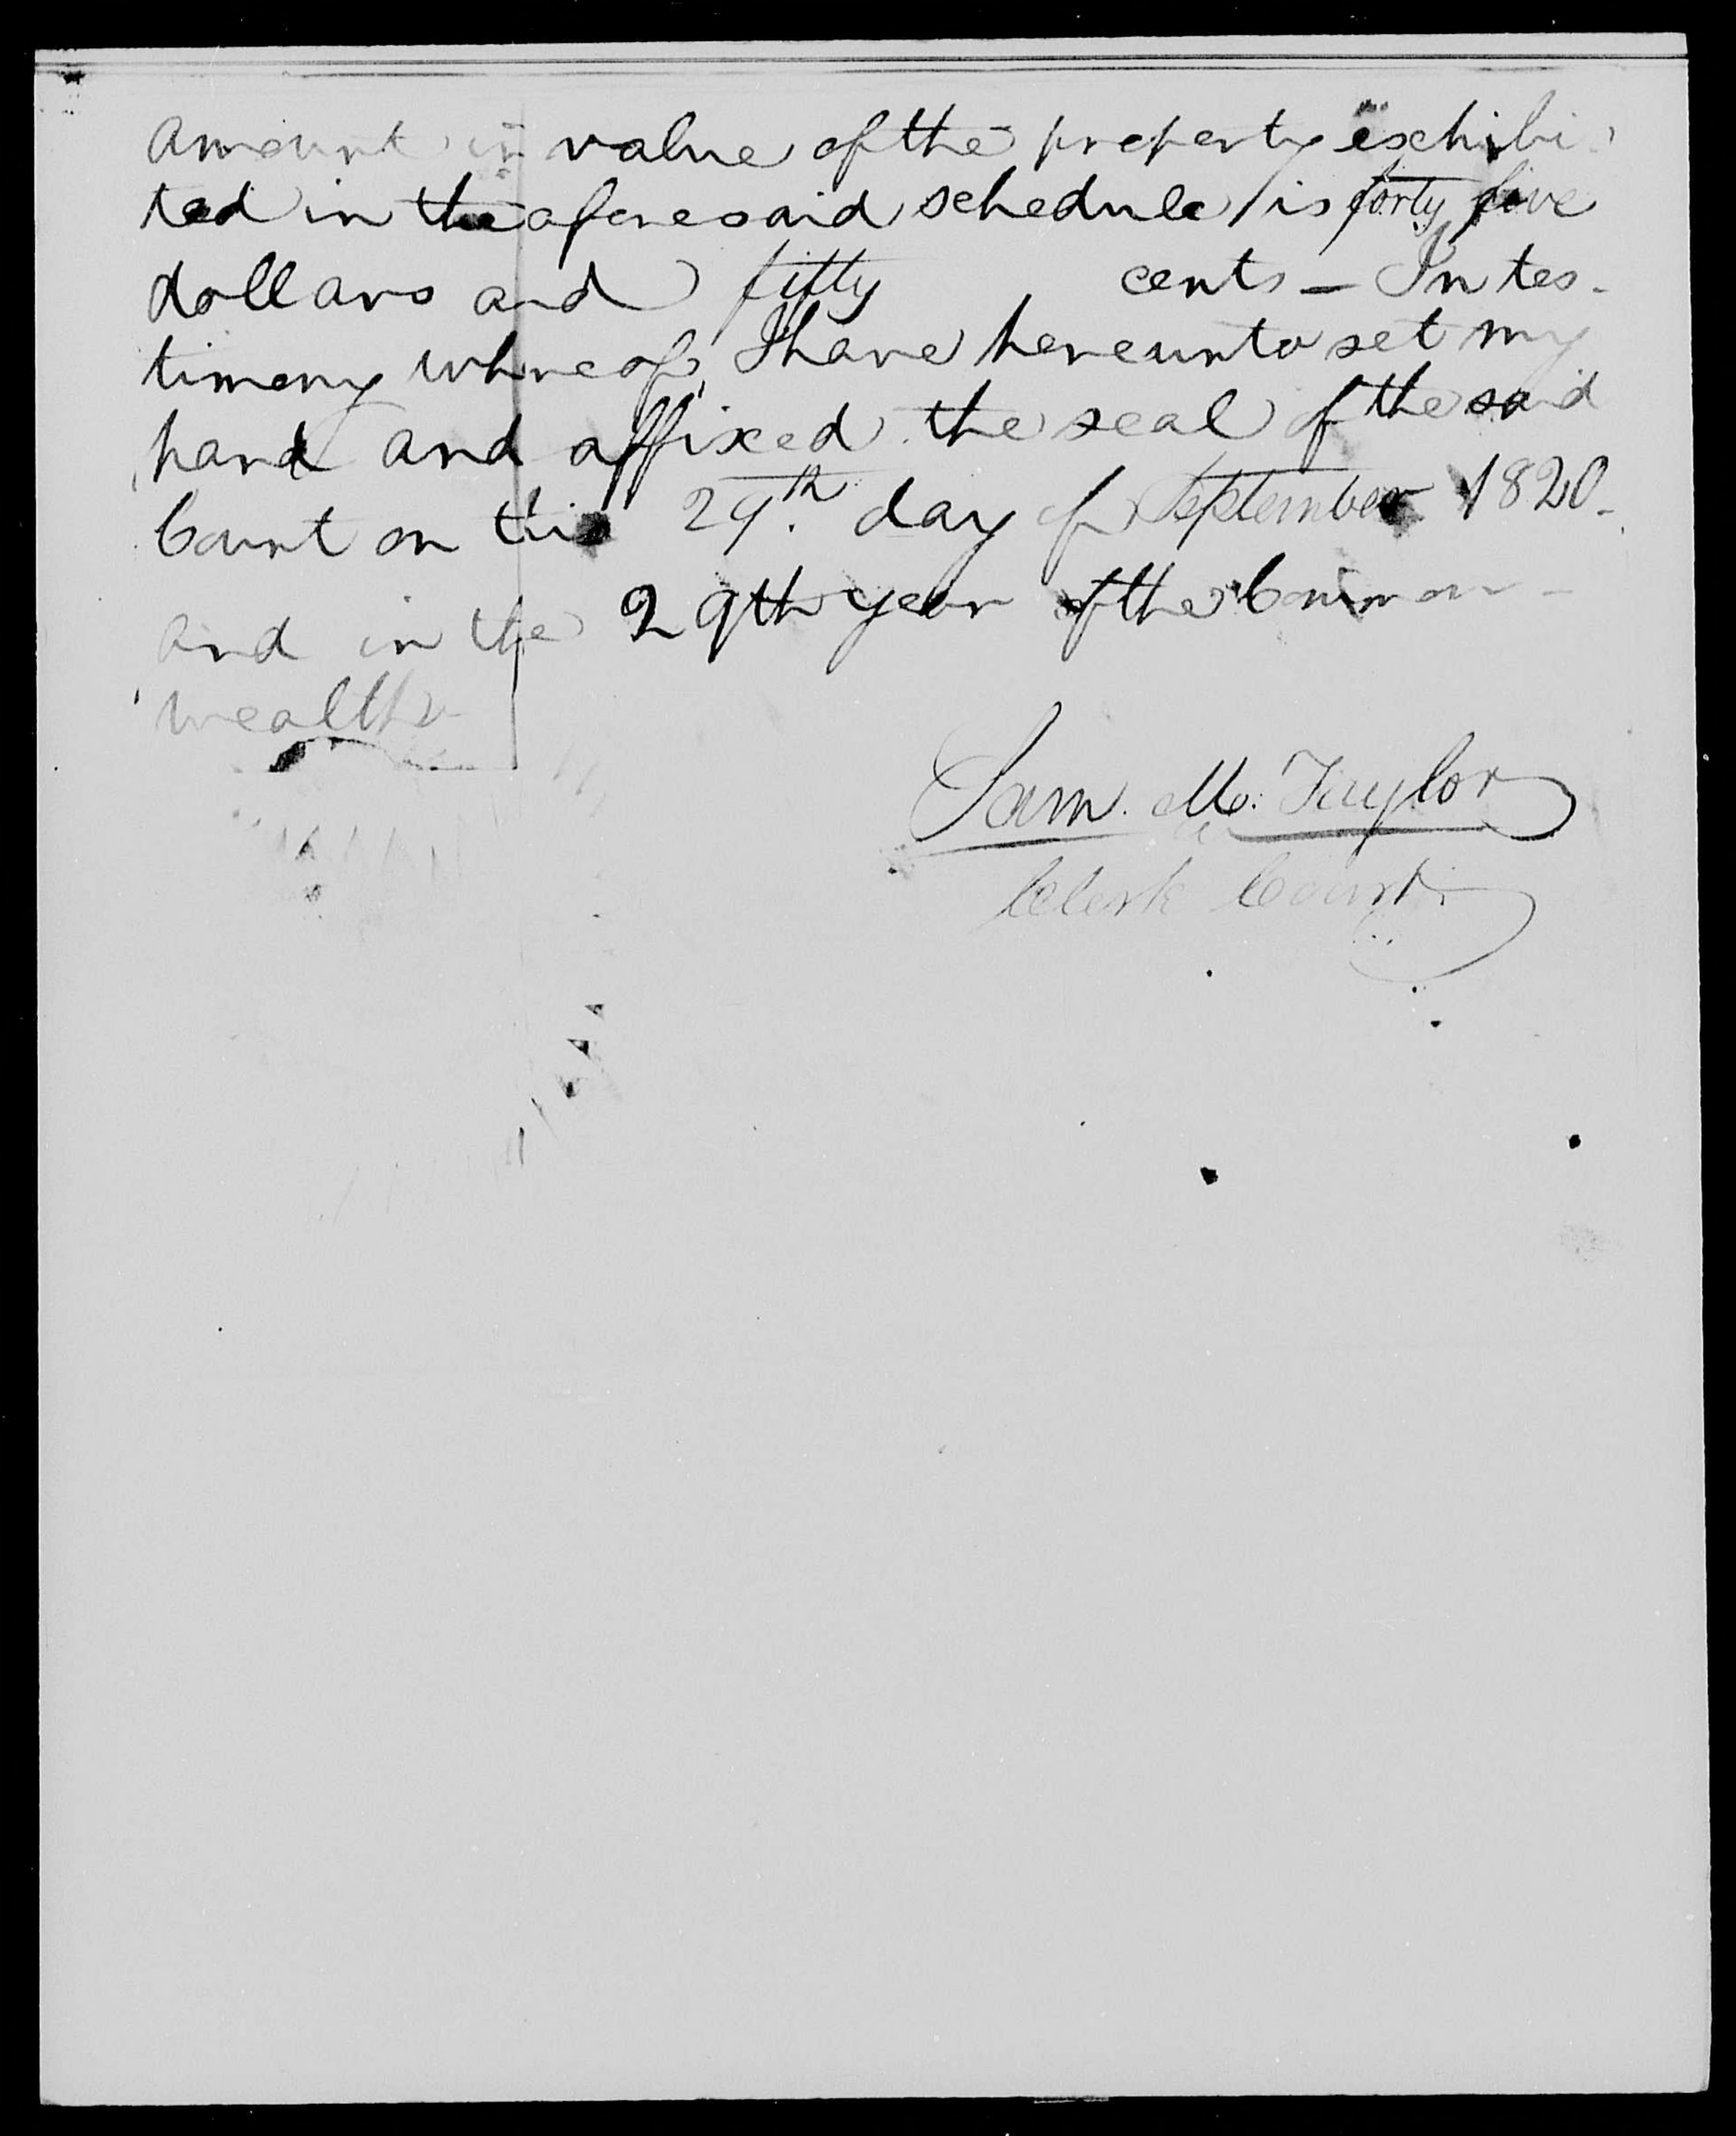amount in value of the property exhibited in the aforesaid schedule is forty five dollars and fifty cents - 
In testimony whereof I have hereunto set my hand and affixed the seal of the said Court on this 29th day of September 1820 and in the 29th year of the Commonwealth 
Samuel M. Taylor
Clerk County

[illegible seal attached]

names: Sam M Taylor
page: 19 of 23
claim: survivor's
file: S 35903, John Dunn, Va.